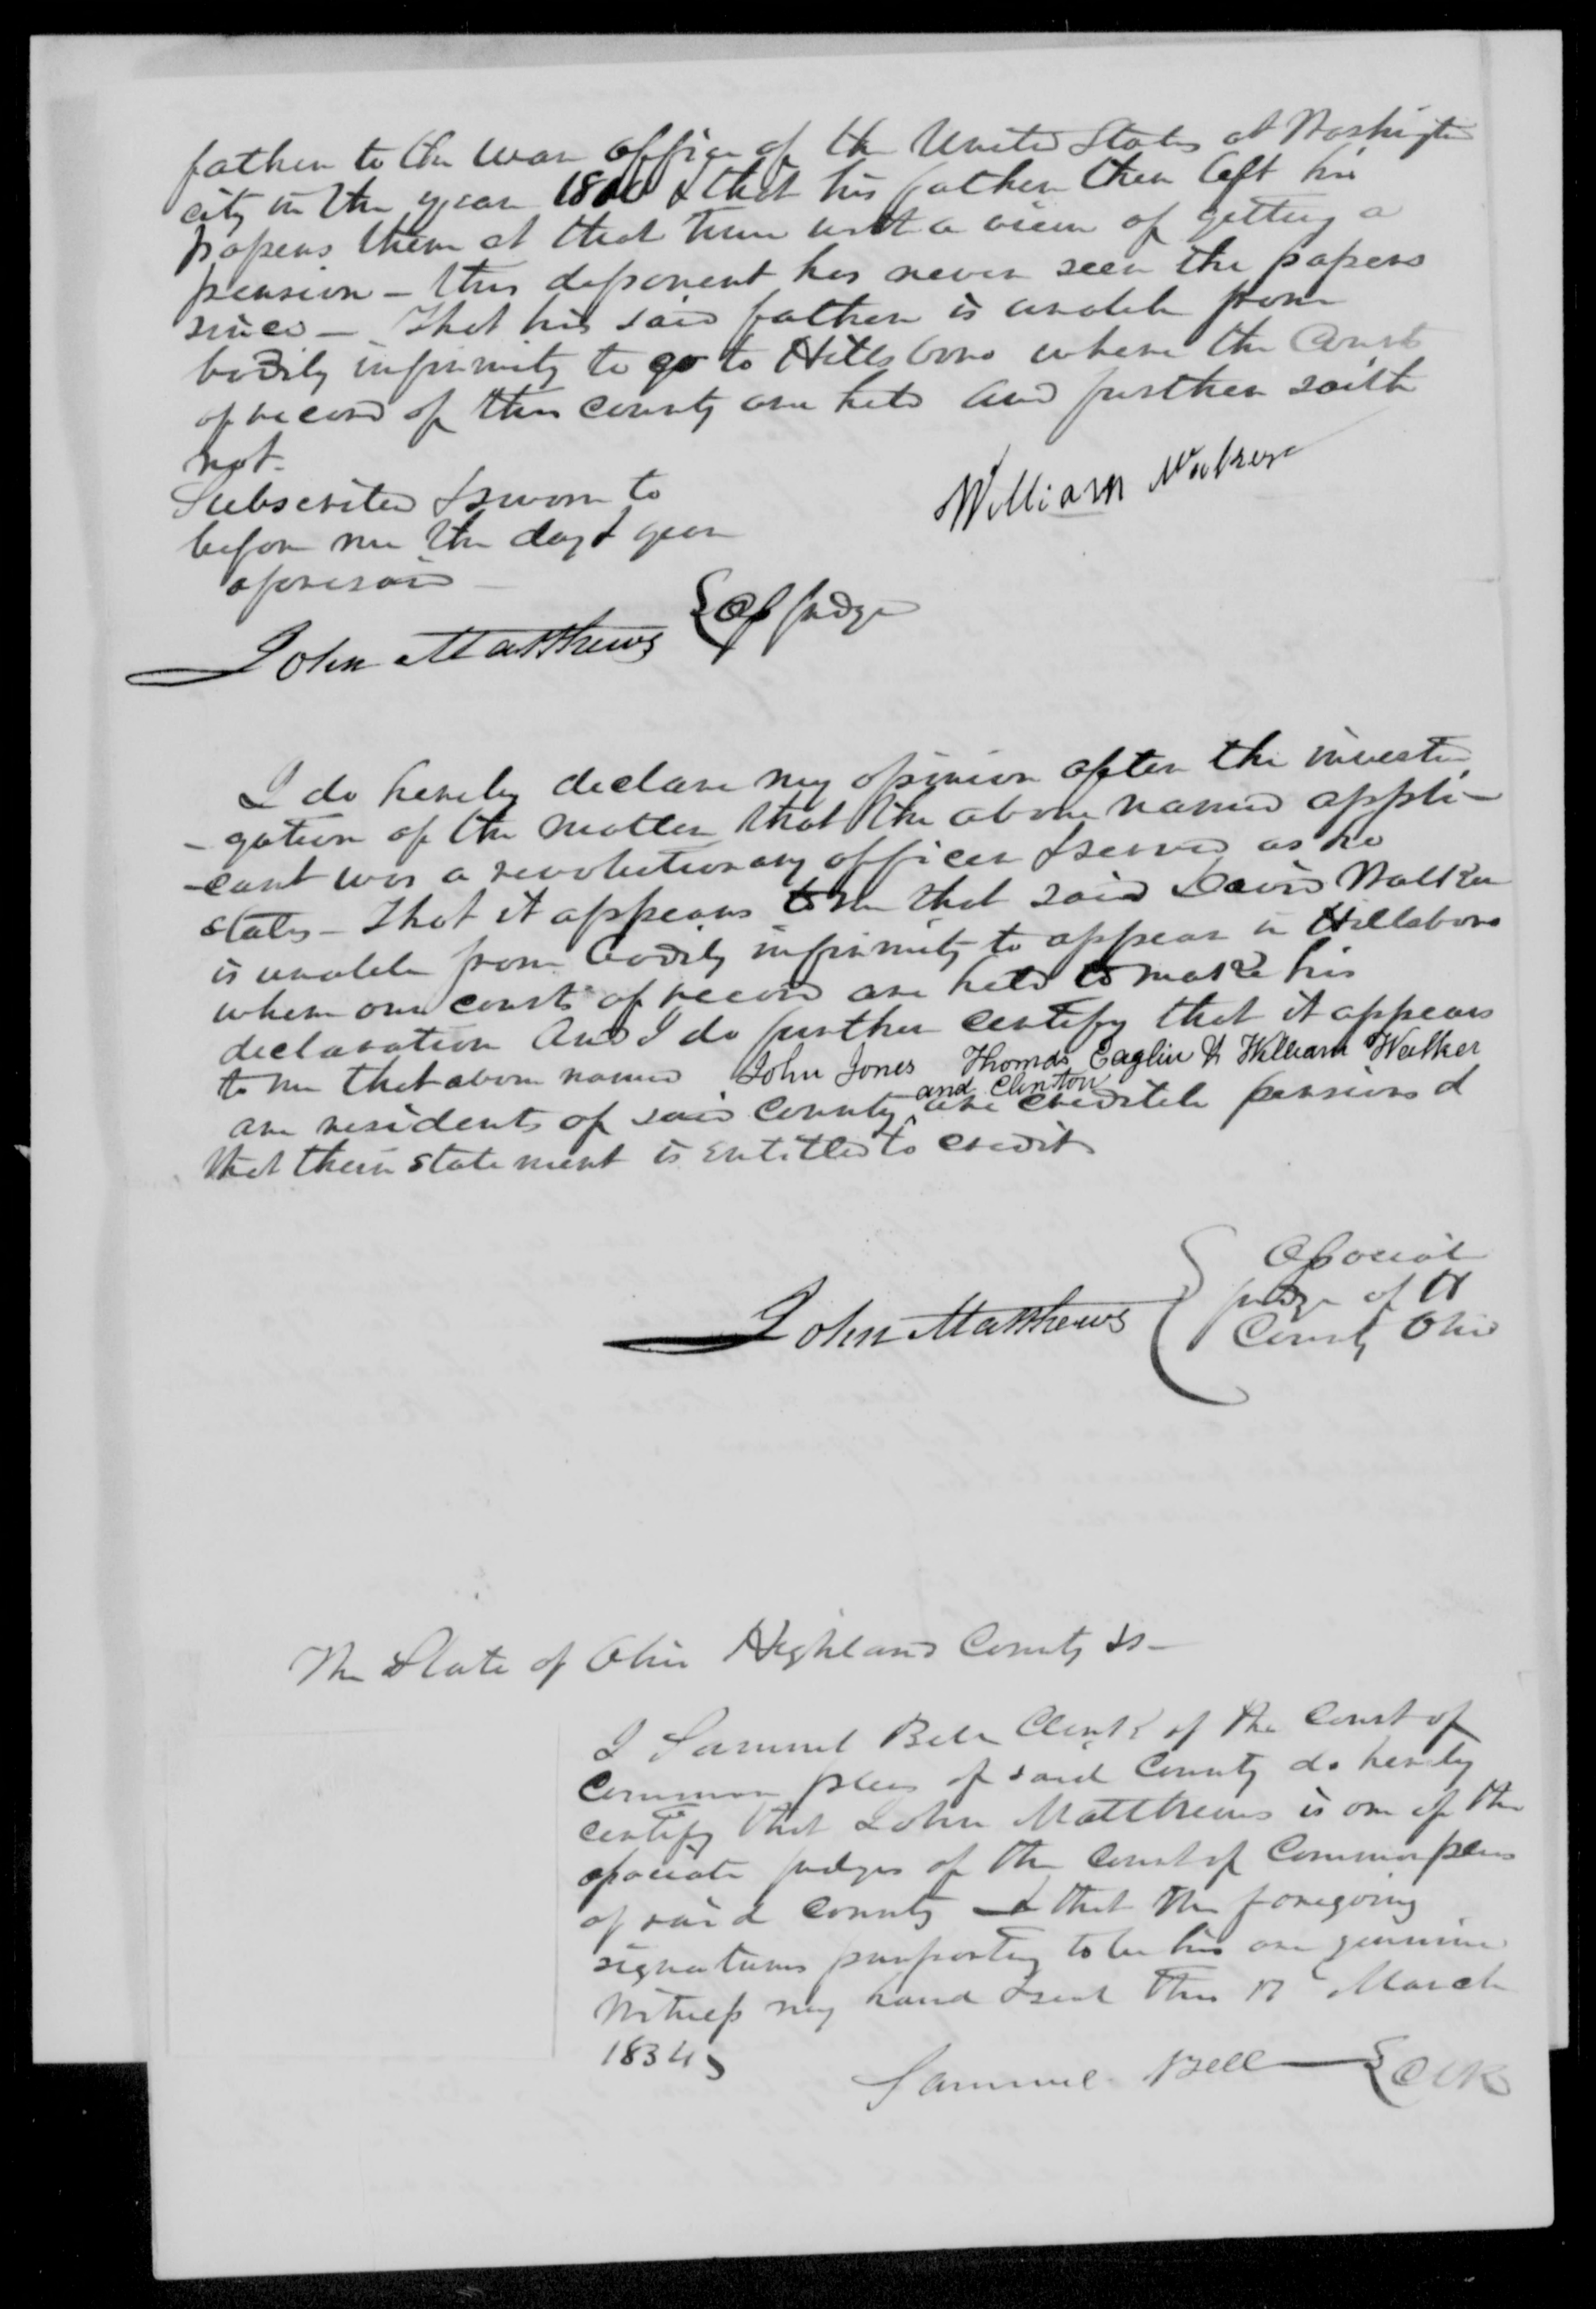father to the war office of the United States at Washington City in the year 1838 & that his father then left his papers them at that time with a view of [Illegible] a pension this deponent has never seen the papers since. That his said father is unable from bodily infirmity to go to Hillsboro where the Court of record of this County and held and further saith not.
William Walker
Subscribed & sworn to before me the day & year aforesaid.
John Matthews, Judge
I do hereby declare my opinion after the invested nature of the matter that the above named applicant was a revolutionary officer & served as he states - That it appears to the that said David Walker is unable from bodily infirmity to appear in Hillsboro where one court of record are held to make his declaration and I do further certify that it appears to me that above named John Jones, Thomas Eaglin, & William Walker are residents of said County that the statement is entitled to credit.
John Matthews

The State of Ohio 
Highland County
I, Samuel Bell, Clerk of the Court of Common Pleas of said County do hereby certify that John Matthews is one of the associate Judges of the Court of Common of said County and that the foregoing signatures purporting to be his are genuine.
Witness my hand seal this 17th March 1834
Samuel Bell, Clerk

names: William Walker, Samuel Bell, John Matthews, David Walker, Samuel Bell, John Matthews, John Jones, William Walker, Thomas Eaglin, John Matthews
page: 11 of 37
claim: rejected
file: R. 11047, David Walker, N.C.